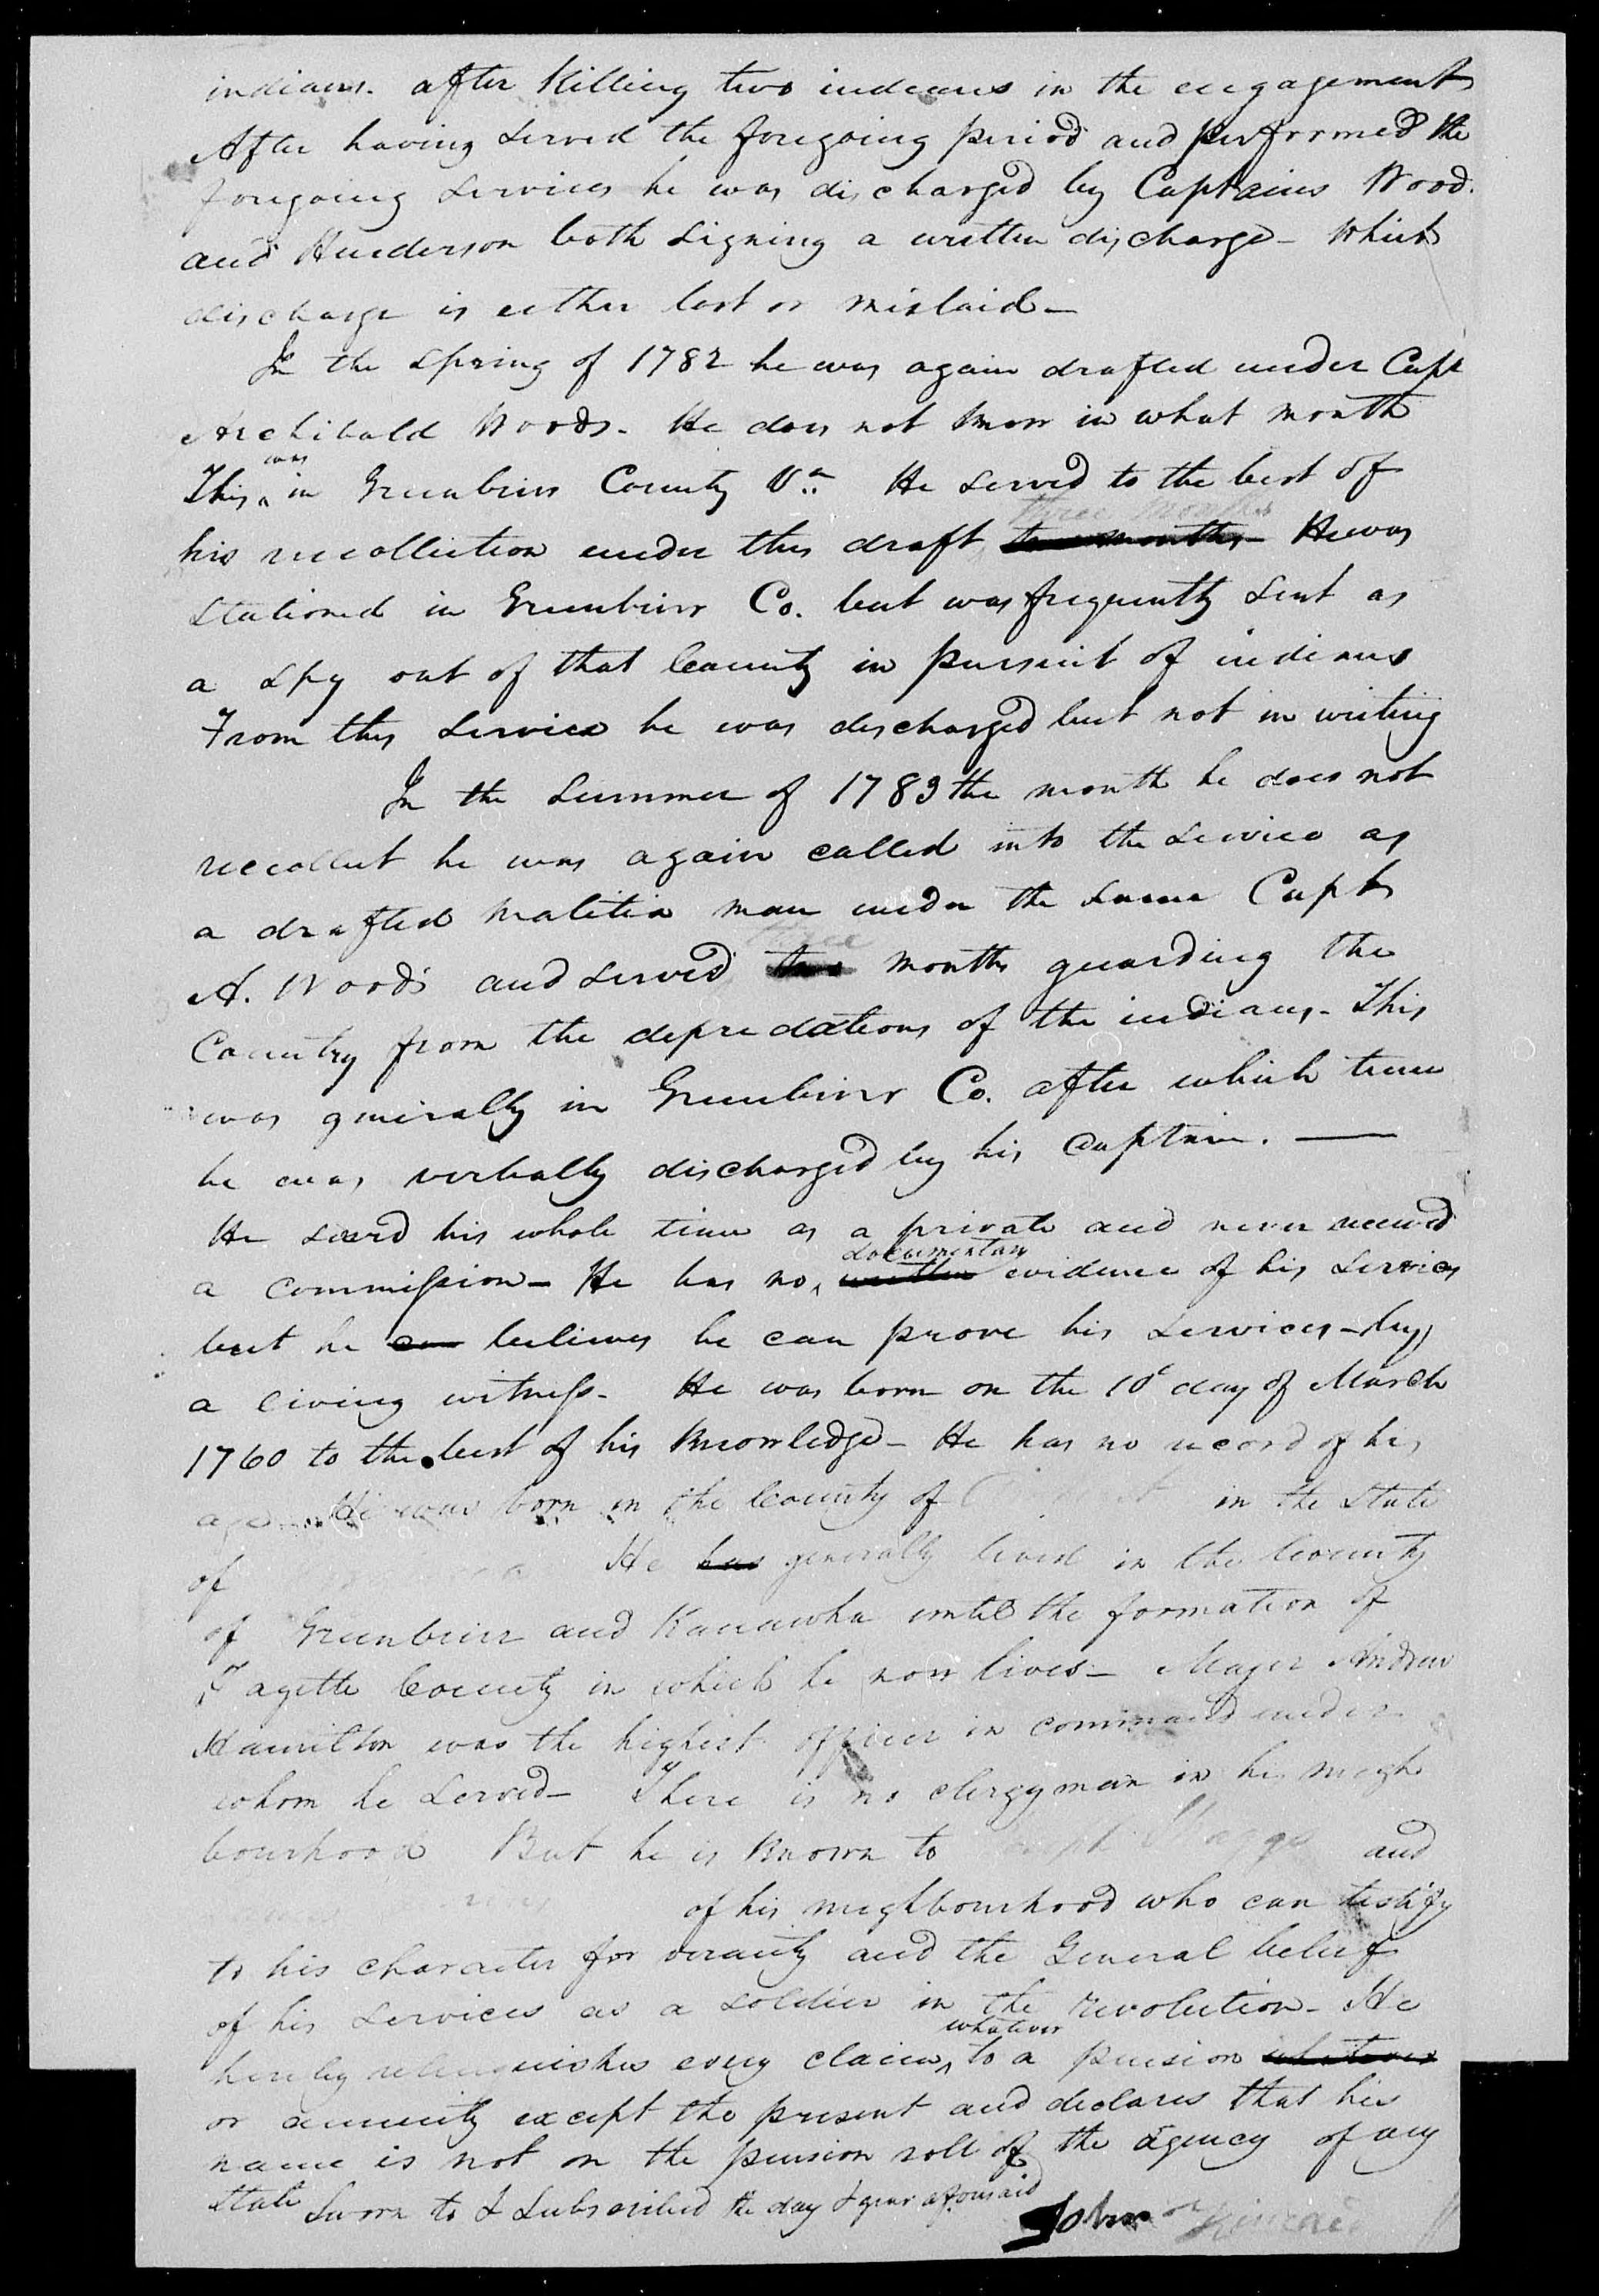indians, after killing two indians in the engagement.
After having served the foregoing period and performed the foregoing services he was discharged by Capt. Wood and Henderson both signing a written discharge - which discharge is either lost or mislaid.
In the spring of 1782 he was again drafted under Capt. Archibald Woods.  He does not know in what month.  This was in Greenbrier County Va. He served to the best of his recollection under the draft.  He was stationed in Greenbrier Co. but was frequently sent as a spy out of that County in pursuit of indians.
From the service he was discharged but not in writing.
In the summer of 1783 the month he does not recollect he was again called into the service as a drafted militia man under the same Capt. A. Woods and served one month guarding the County from the depredations of the indians. This was generally in Greenbrier Co. after which time he was verbally discharged by his captain. 
He served his whole time as a private and never secured a commission. He has no documentary evidence of his services but he believes he can prove his services by a living witness. He was born on the 10th day of March 17060 to the best of his knowledge.  He has no record of his age. He was born in the County of Amherst in the State of Virginia.  He has generally lived in the County of Greenbrier and Kanawha until the formation of Fayette County in which he now lives - Major Andrew Hamilton was the highest officer in command under whom I served. There is no clergyman in the neighborhood. But he is known to Joseph ? and James ? of his neighborhood who can testify to his character for veracity and the General belief of his services as a soldier in the Revolution - He relinquishes every claim whatever to a pension or annuity except the present and declares that his name is not on the pension roll of the agency of any state.

John Kincaid

Sworn to and subscribed the day and year aforesaid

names: John Kincaid; Archibald Woods; Andrew Hamilton; [BLANK] Henderson; Joseph Shaggs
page: 4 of 33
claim: survivor's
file: S. 19367, for John Kincaid, Virginia